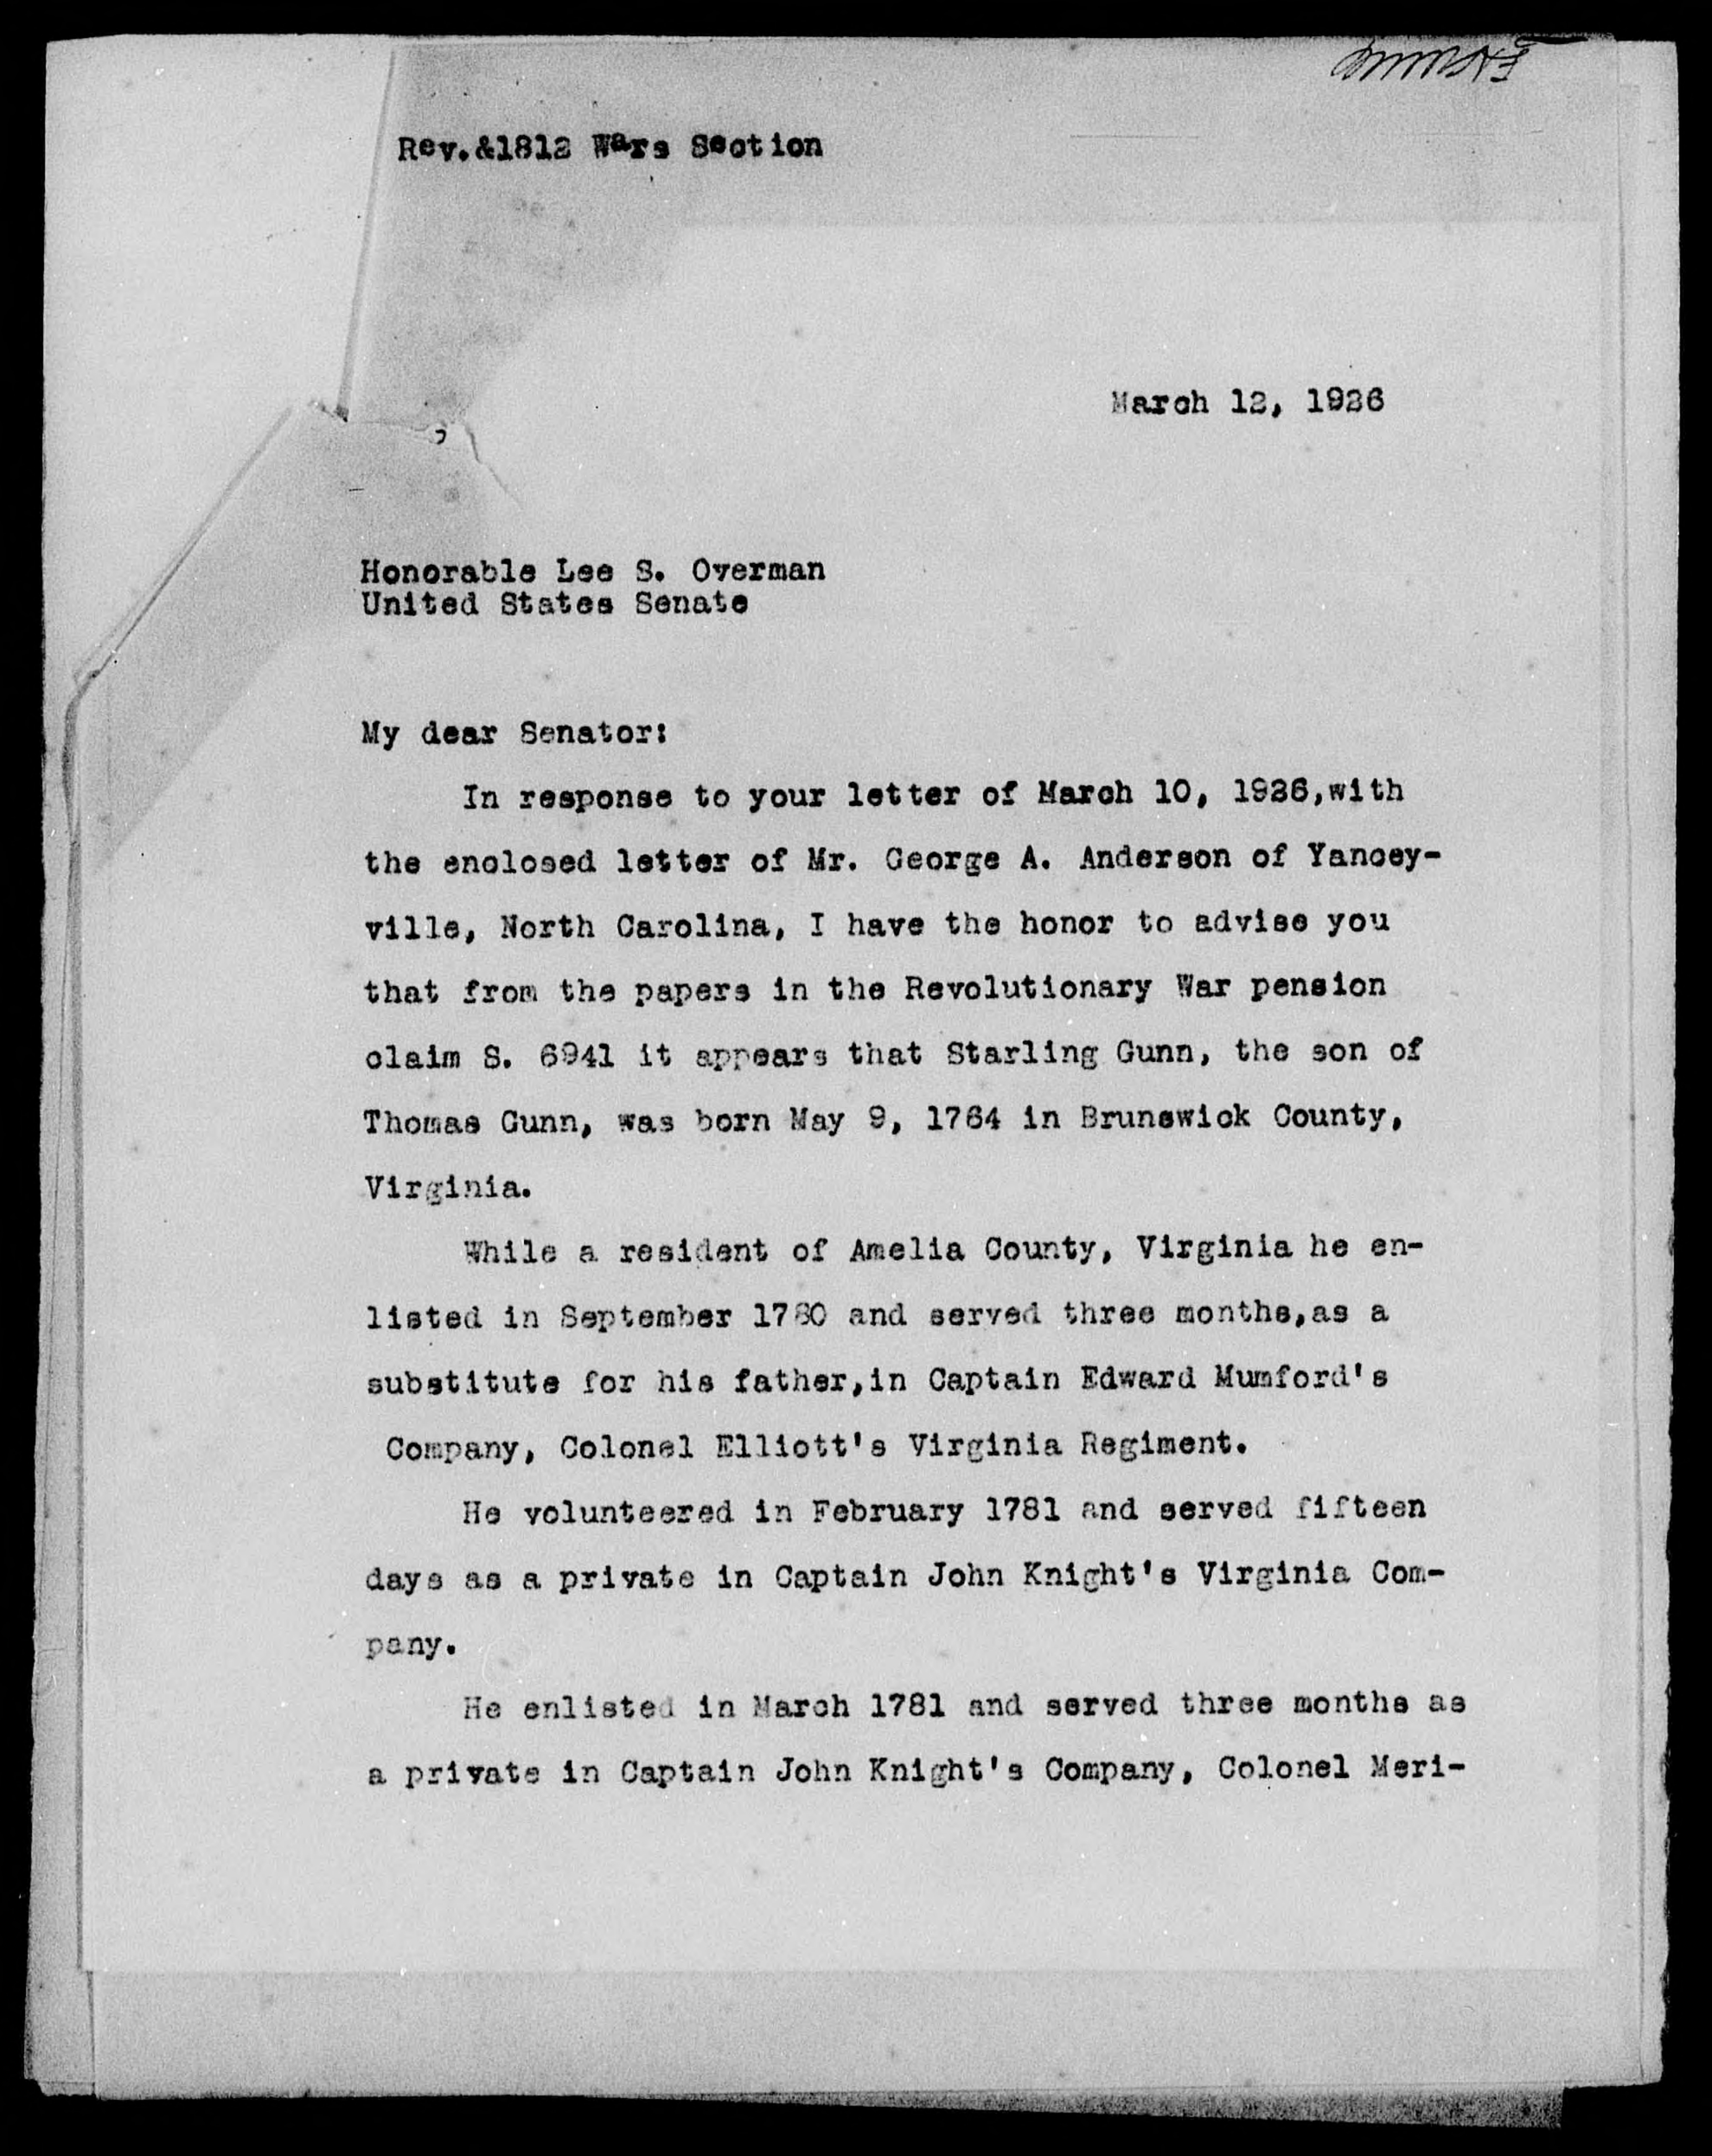MMHF
Rev.&1712 Wars Section
March 12, 1926
Honorable Lee S. Overman
United States Senate
My dear Senator:
In response to your letter of March 10, 1936, with the enclosed letter of Mr. George A. Anderson of Yanceyville, North Carolina, I have the honor to advise you that from the papers in the Revolutionary War pension claim S. 6941 it appears that Starling Gunn, the son of Thomas Gunn, was born May 9, 1764 in Brunswick County, Virginia.
While a resident of Amelia County, Virginia he enlisted in September 1780 and served three months, as a substitute for his father, in Captain Edward Mumford's Company, Colonel Elliott's Virginia Regiment.
He volunteered in February 1781 and served fifteen days as a private in Captain John Knight's Virginia Company.
He enlisted in March 1781 and served three months as a private in Captain John Knight's Company, Colonel Meriwether's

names: George A Anderson, Lee S Overman, Starling Gunn, Thomas Gunn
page: 32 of 58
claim: survivor's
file: S. 6,941, Starling Gunn, Continental Va.